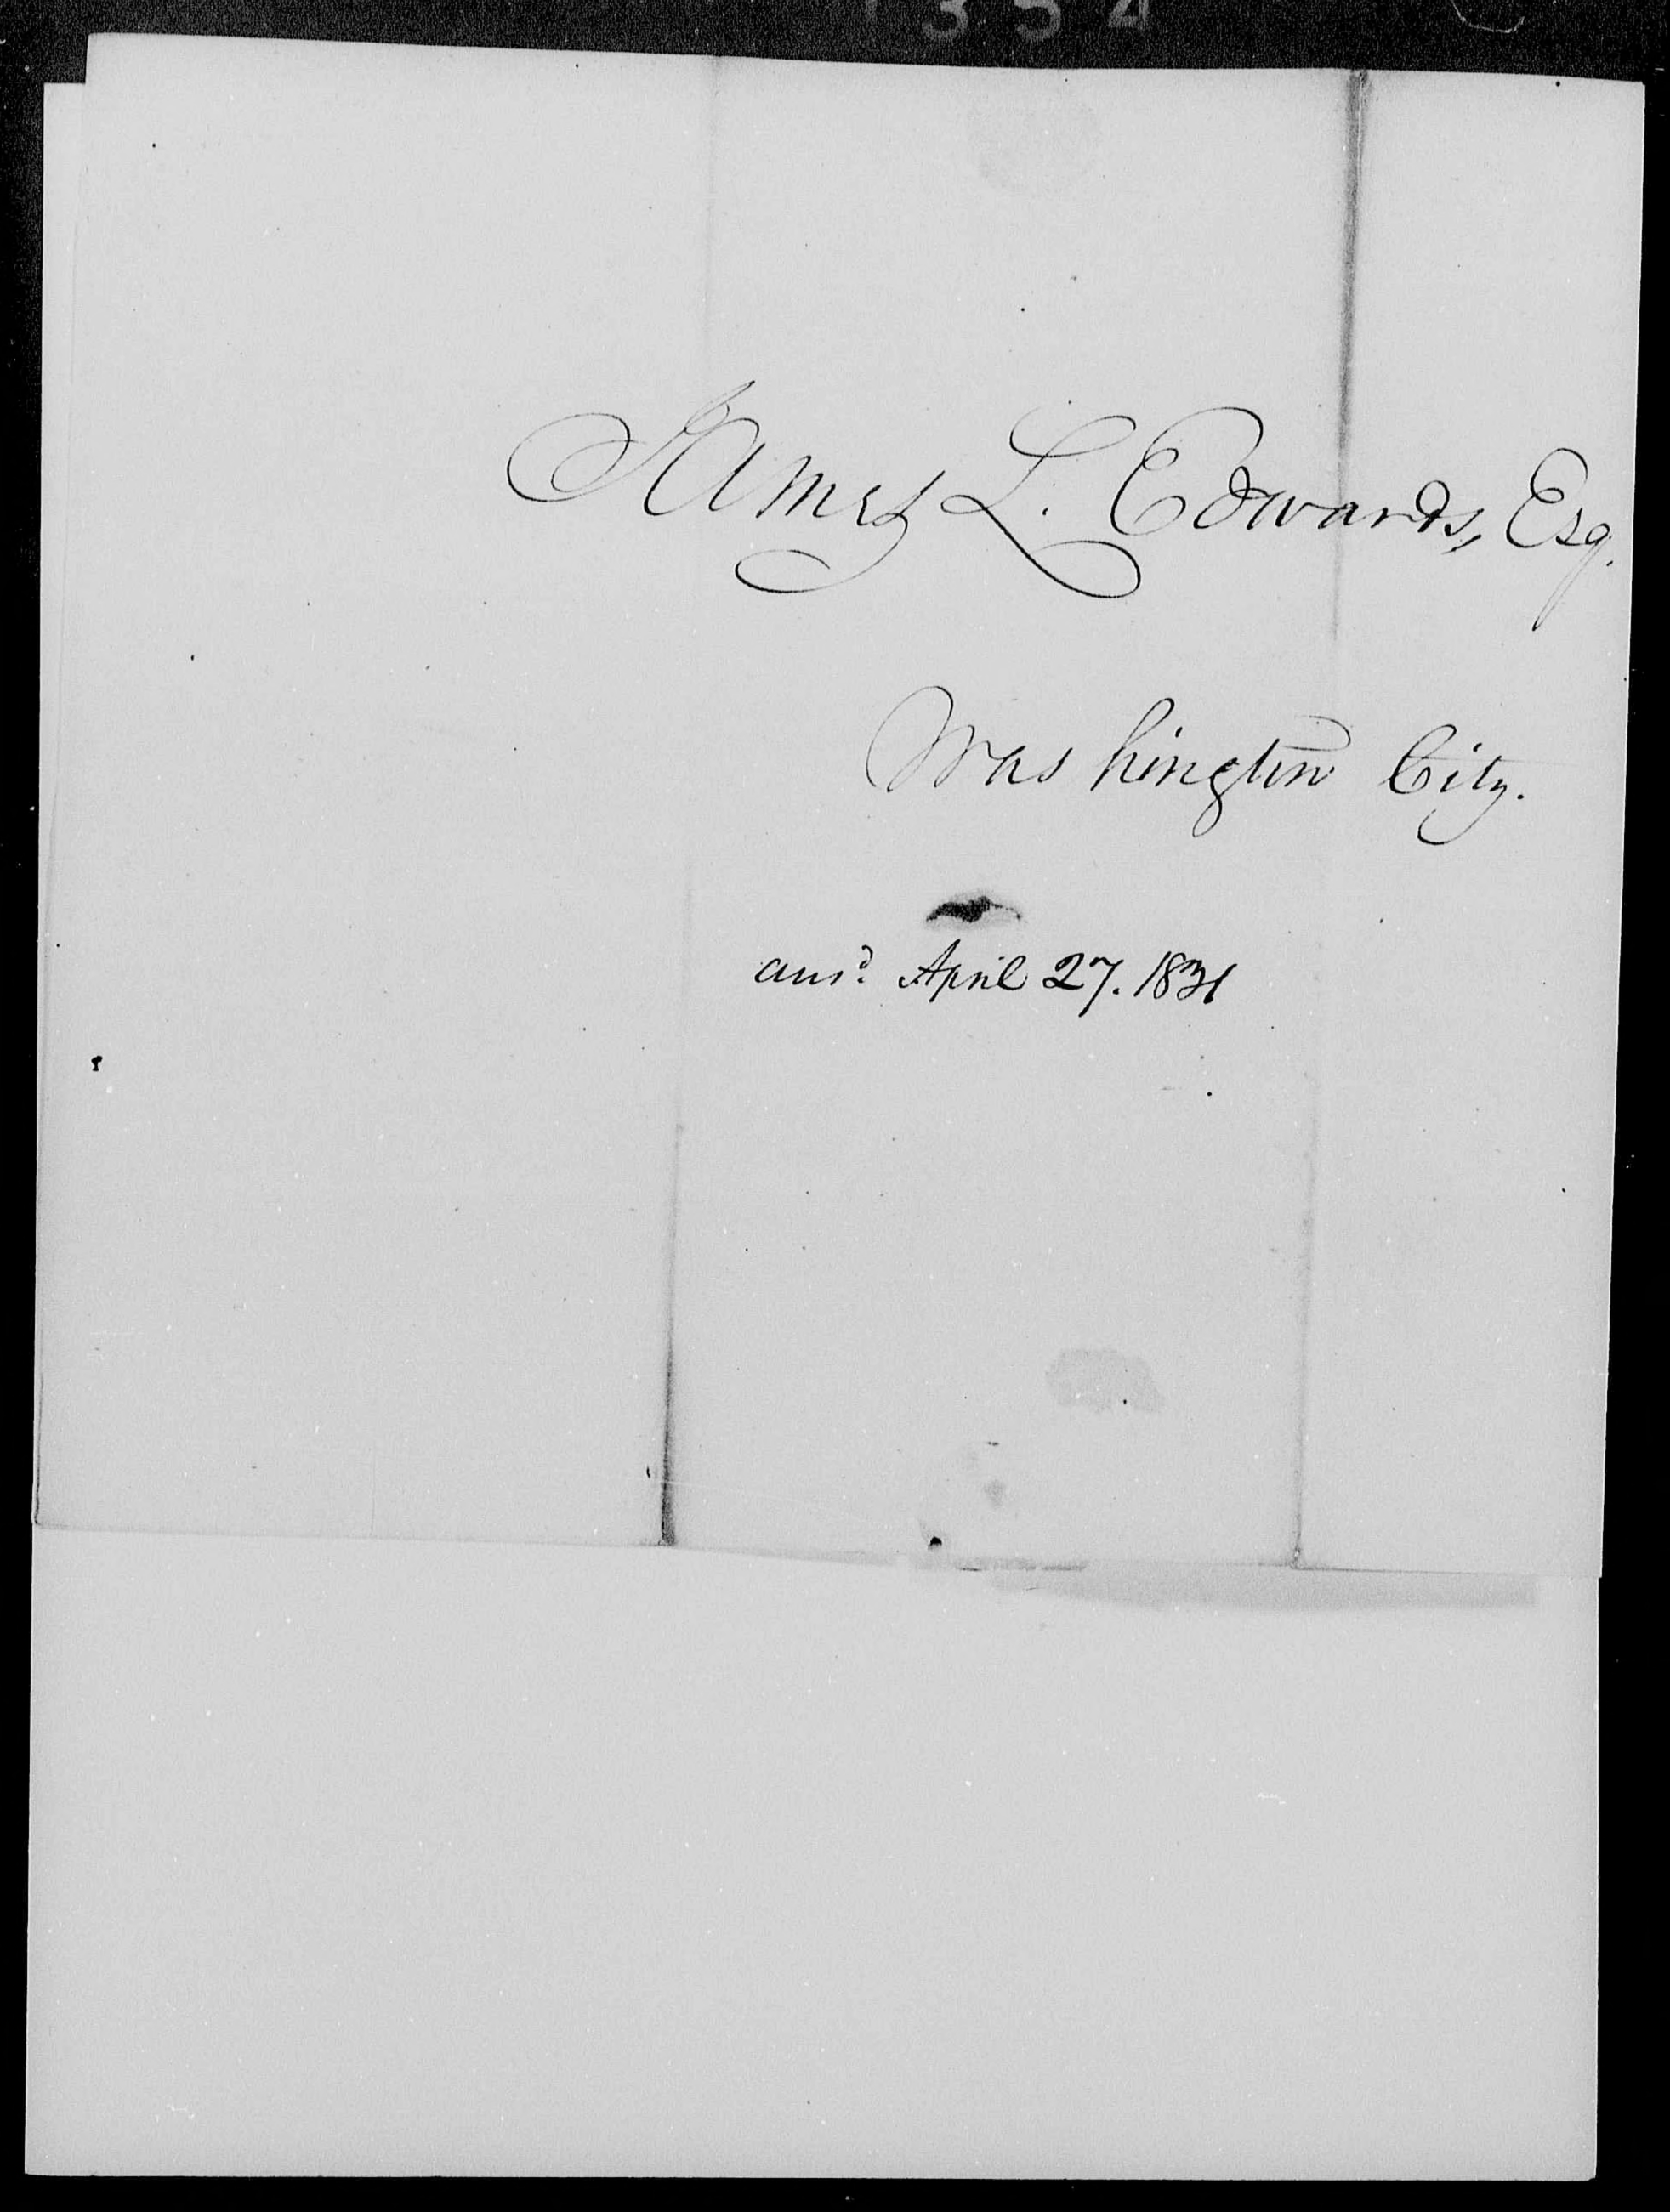James L. Edwards, Esq.
Washington City.
am April 27 1821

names: James L Edwards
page: 10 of 30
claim: survivor's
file: S. 10093, James Blewer, Md.